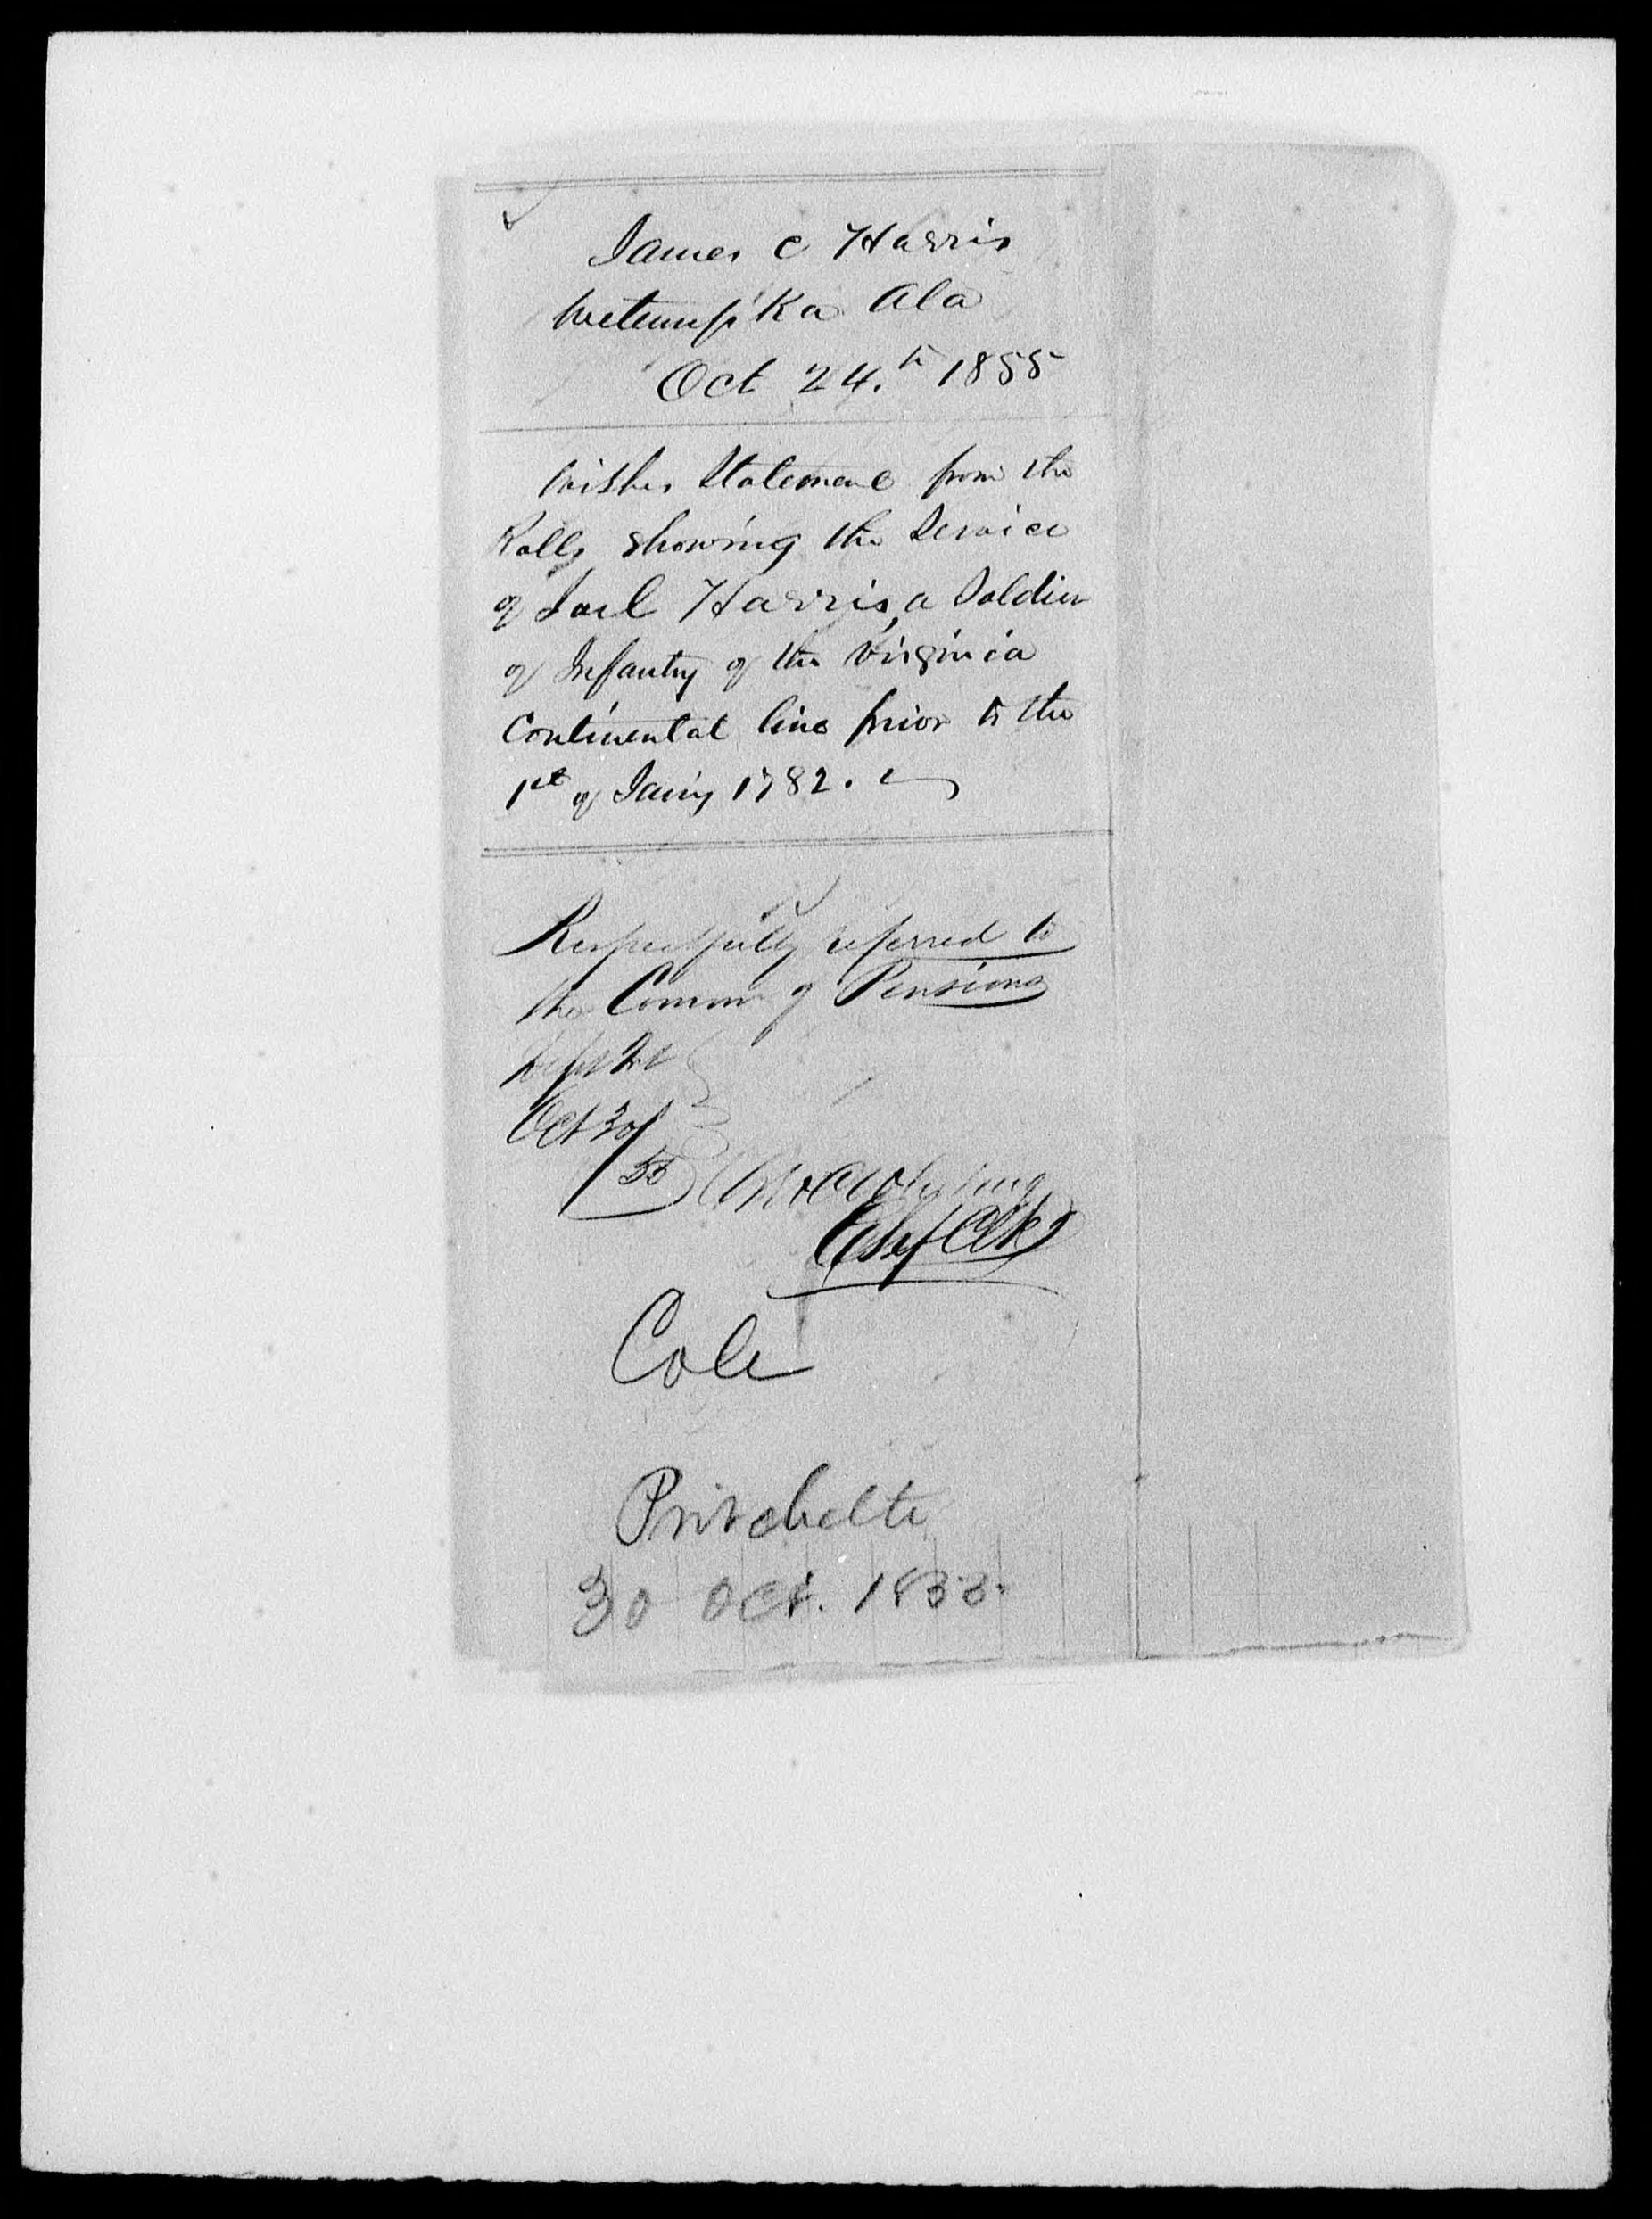James C Harris
Wetumpka Ala
Oct 24th 1855

[?] statement from the Rolls showing the service of Joel Harris, a Soldier of Infantry of the Virginia Continental line prior to the 1st of Jan'y 1782.

Respectfully referred to
the Commr of Pensions
[?]
Oct 30/55
[illegible signature]
Chf Clk
Cole
Pritchette
30 Oct 1855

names: James C Harris, Geo C Whiting, Joel Harris, Cole, Pritchette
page: 51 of 160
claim: rejected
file: R. 4666, James Harris, Va.